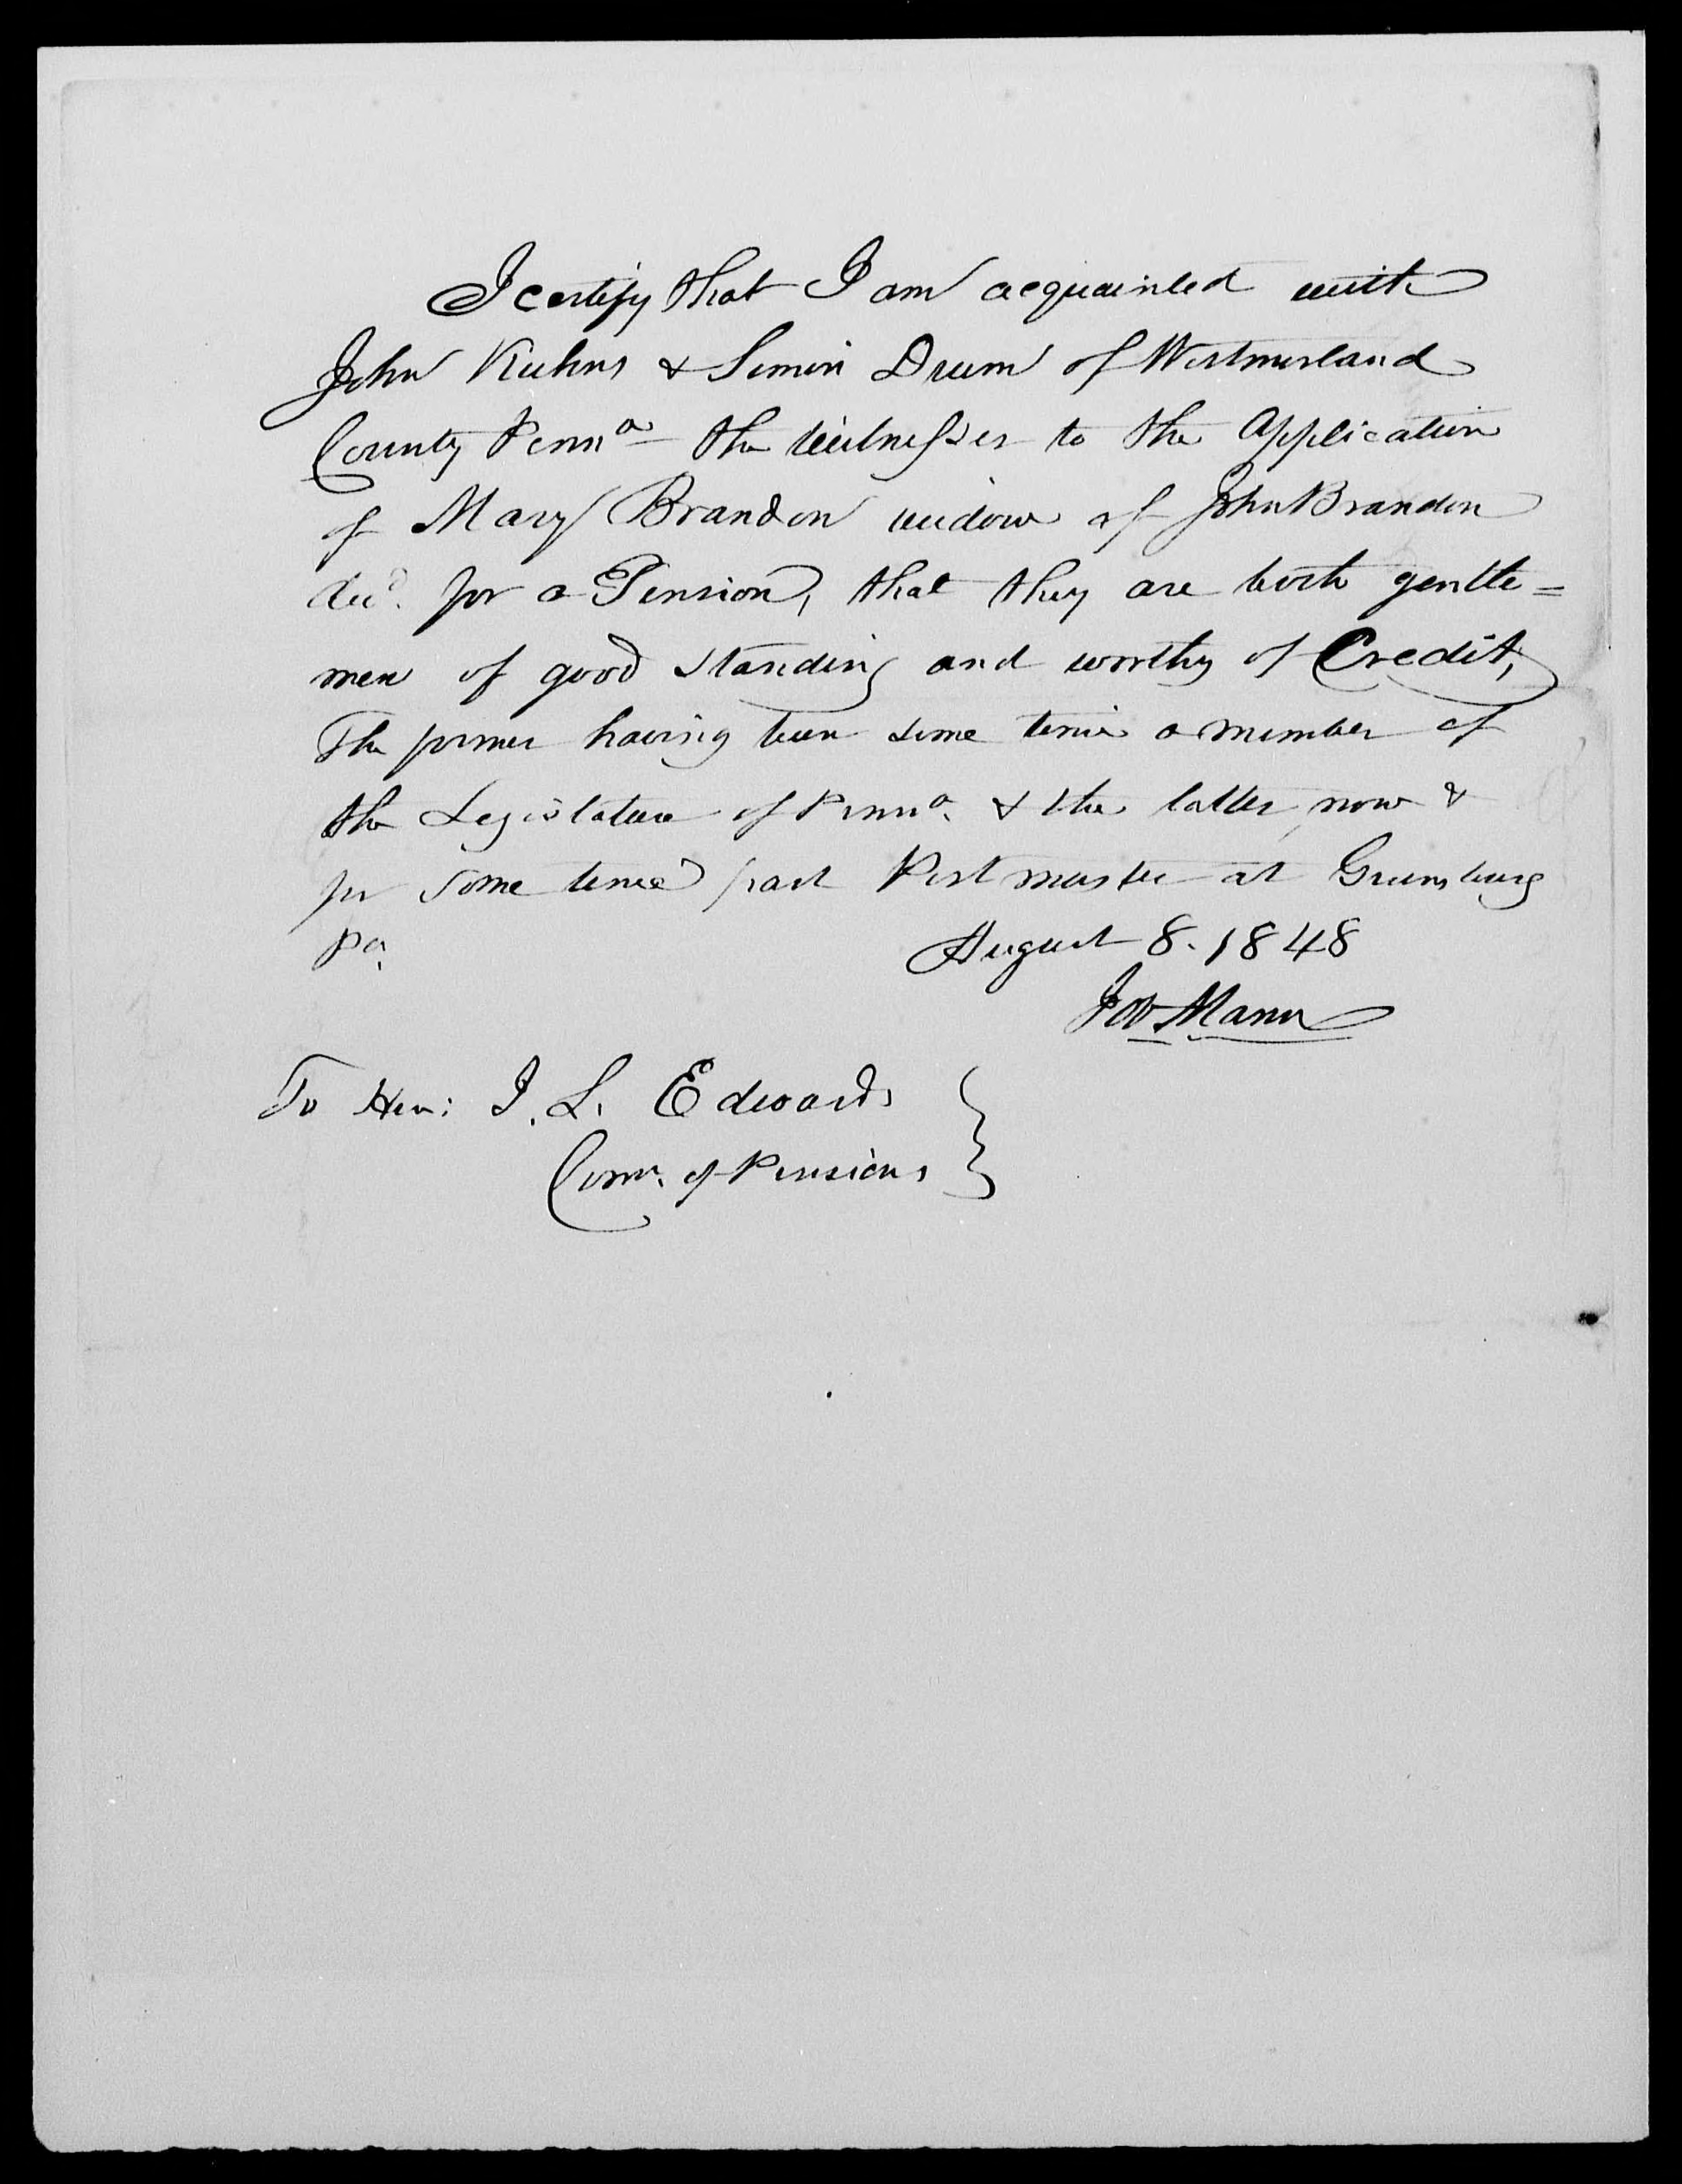I certify that I am acquainted with John Kuhns & Simon Drum of Westmoreland County Penna the witnesses to the application of Mary jBrandon widow of John Brandon decd. for a Pension, that they are both gentlemen of good standing and worthy of Credit, The former having been some time a member of the Legislatiure of Penna. & the latter now & pr some time plast Post master at Greensburg Pa.
August 8, 1848
Job Mann

To Hon J.L. Edwards
Com. of Pensions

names: Mary Brandon, J L Edwards, John Kuhns, Simon Drum, Job Mann, John Brandon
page: 33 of 83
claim: widow's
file: W. 5946, John Brandon, Penn